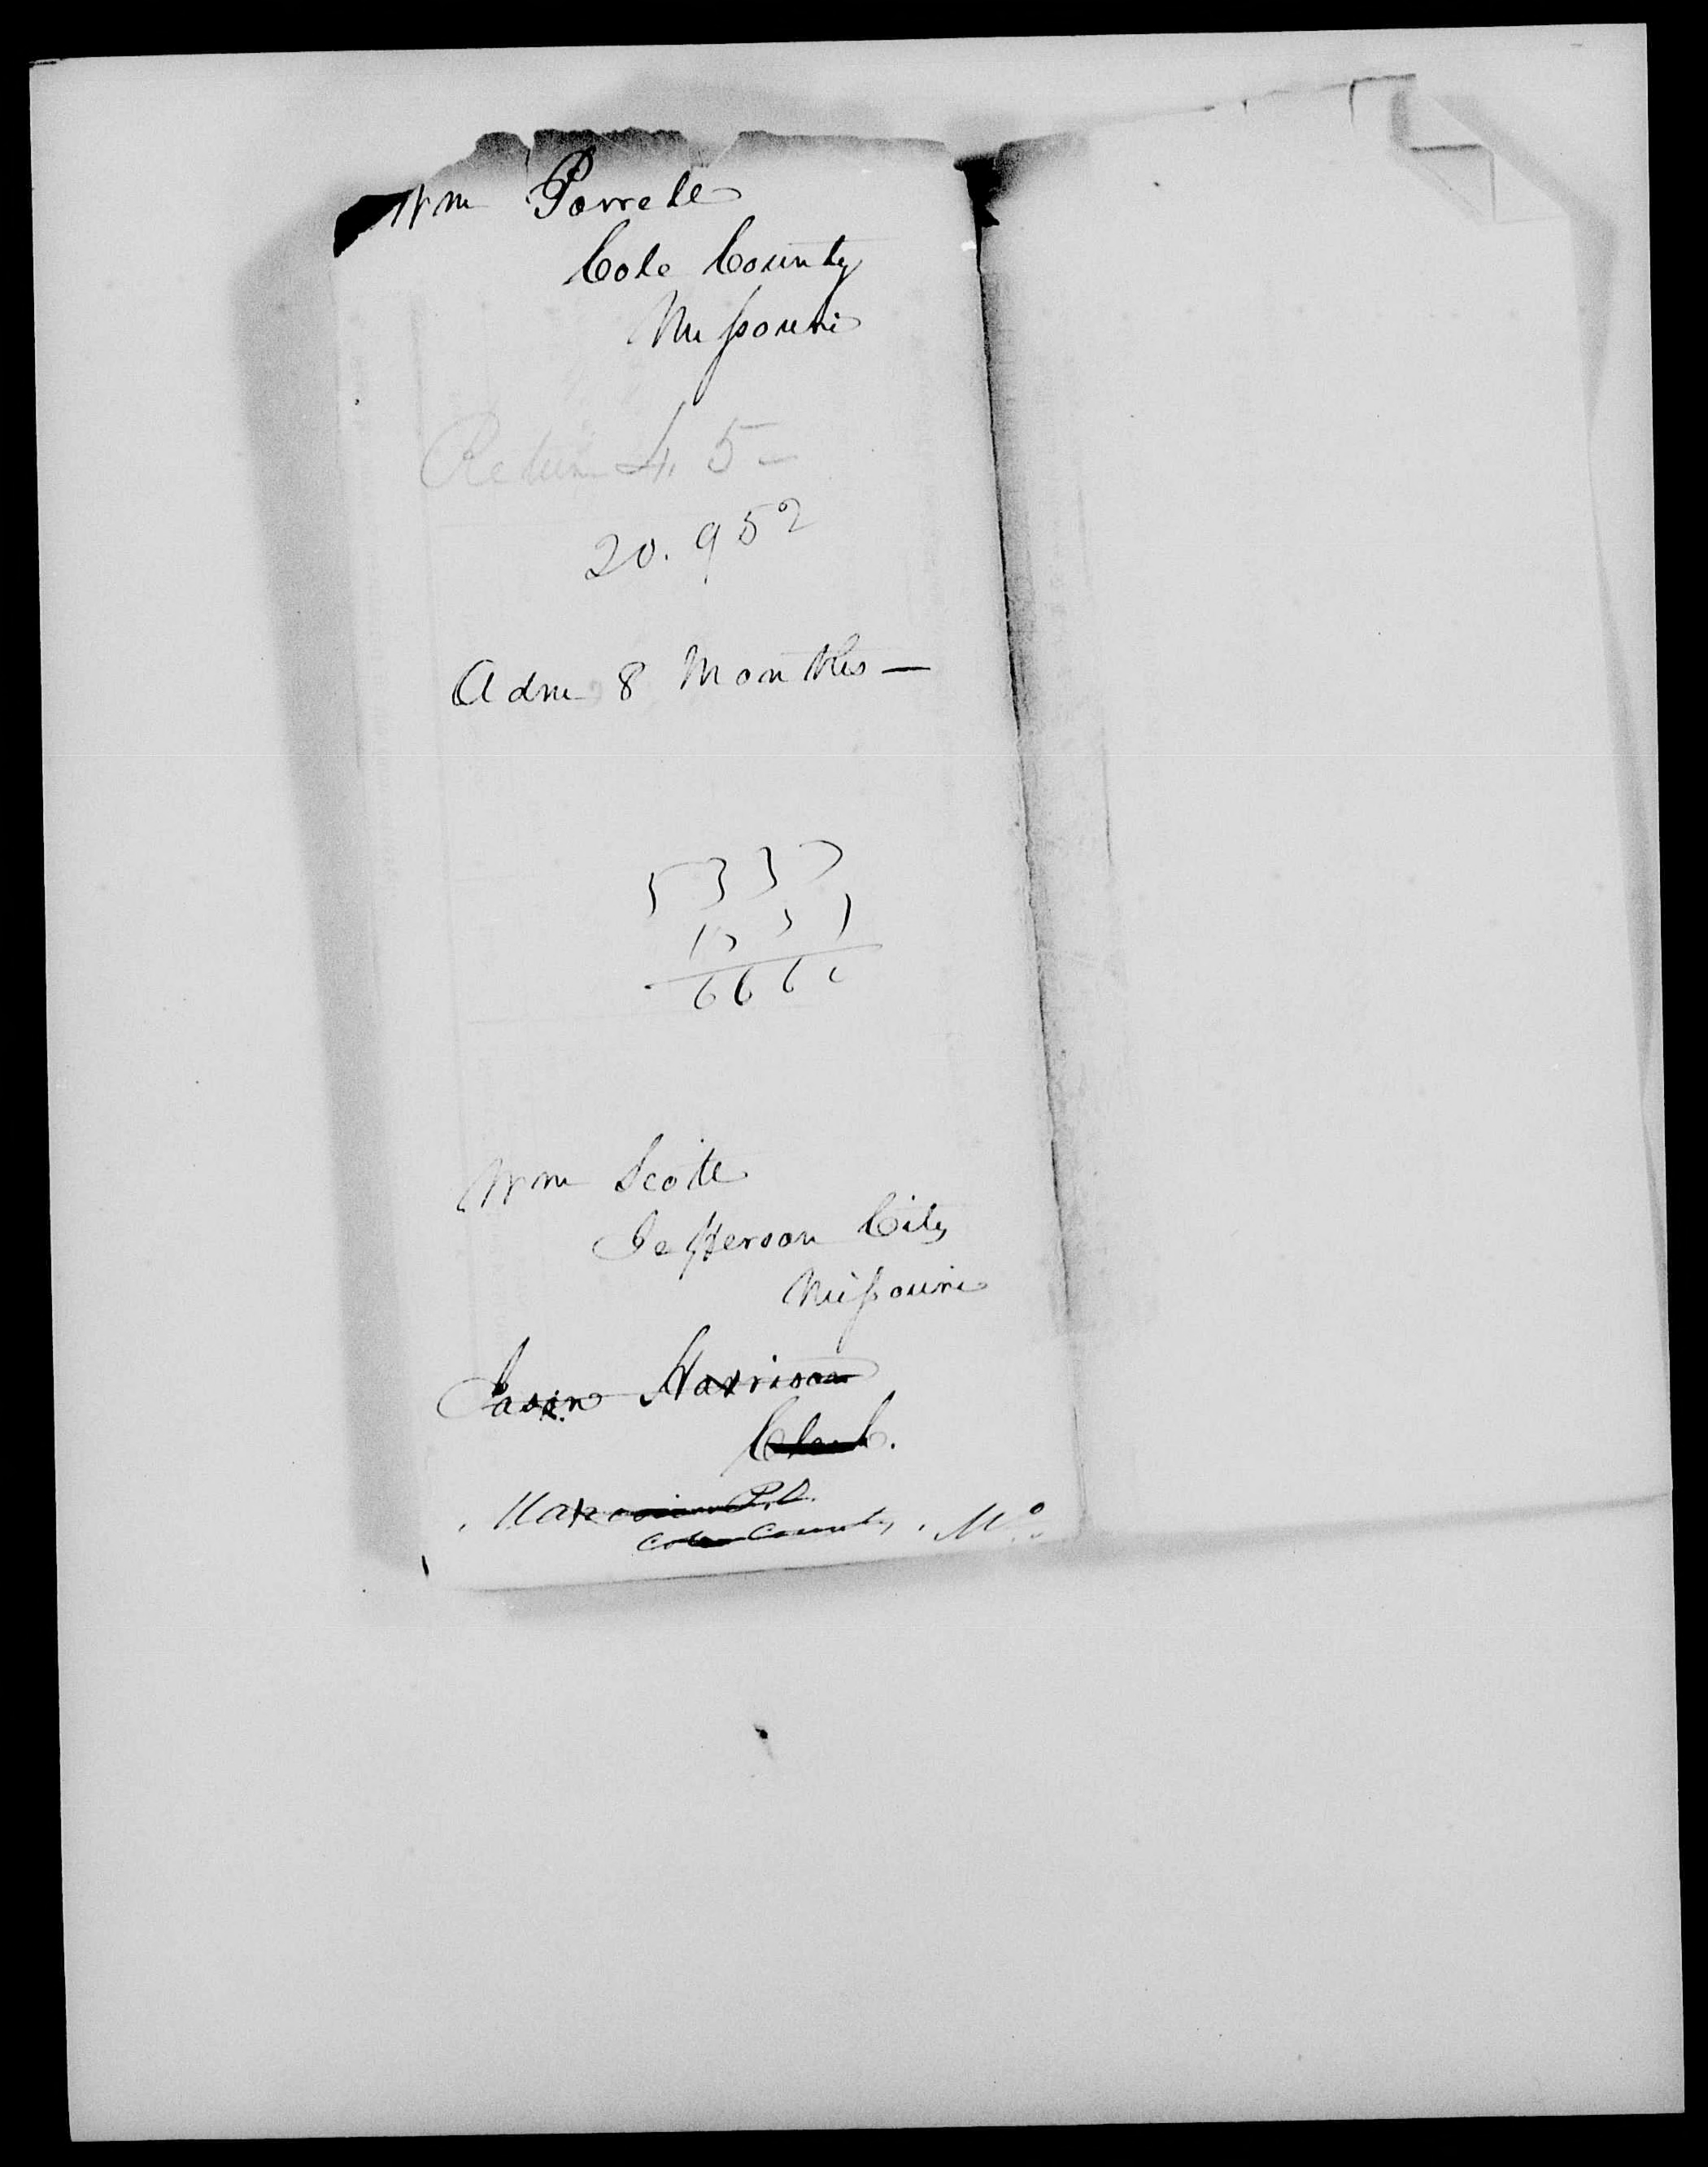Wm Powell
Cole County
Missouri

20.952

Adm 8 months

Wm Scott
Jefferson City
Missouri

Jason Harrison Clerk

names: Wm Powell; Jason Harrison; Wm Scott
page: 7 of 19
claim: survivor's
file: S. 17022, for William Powell, North Carolina